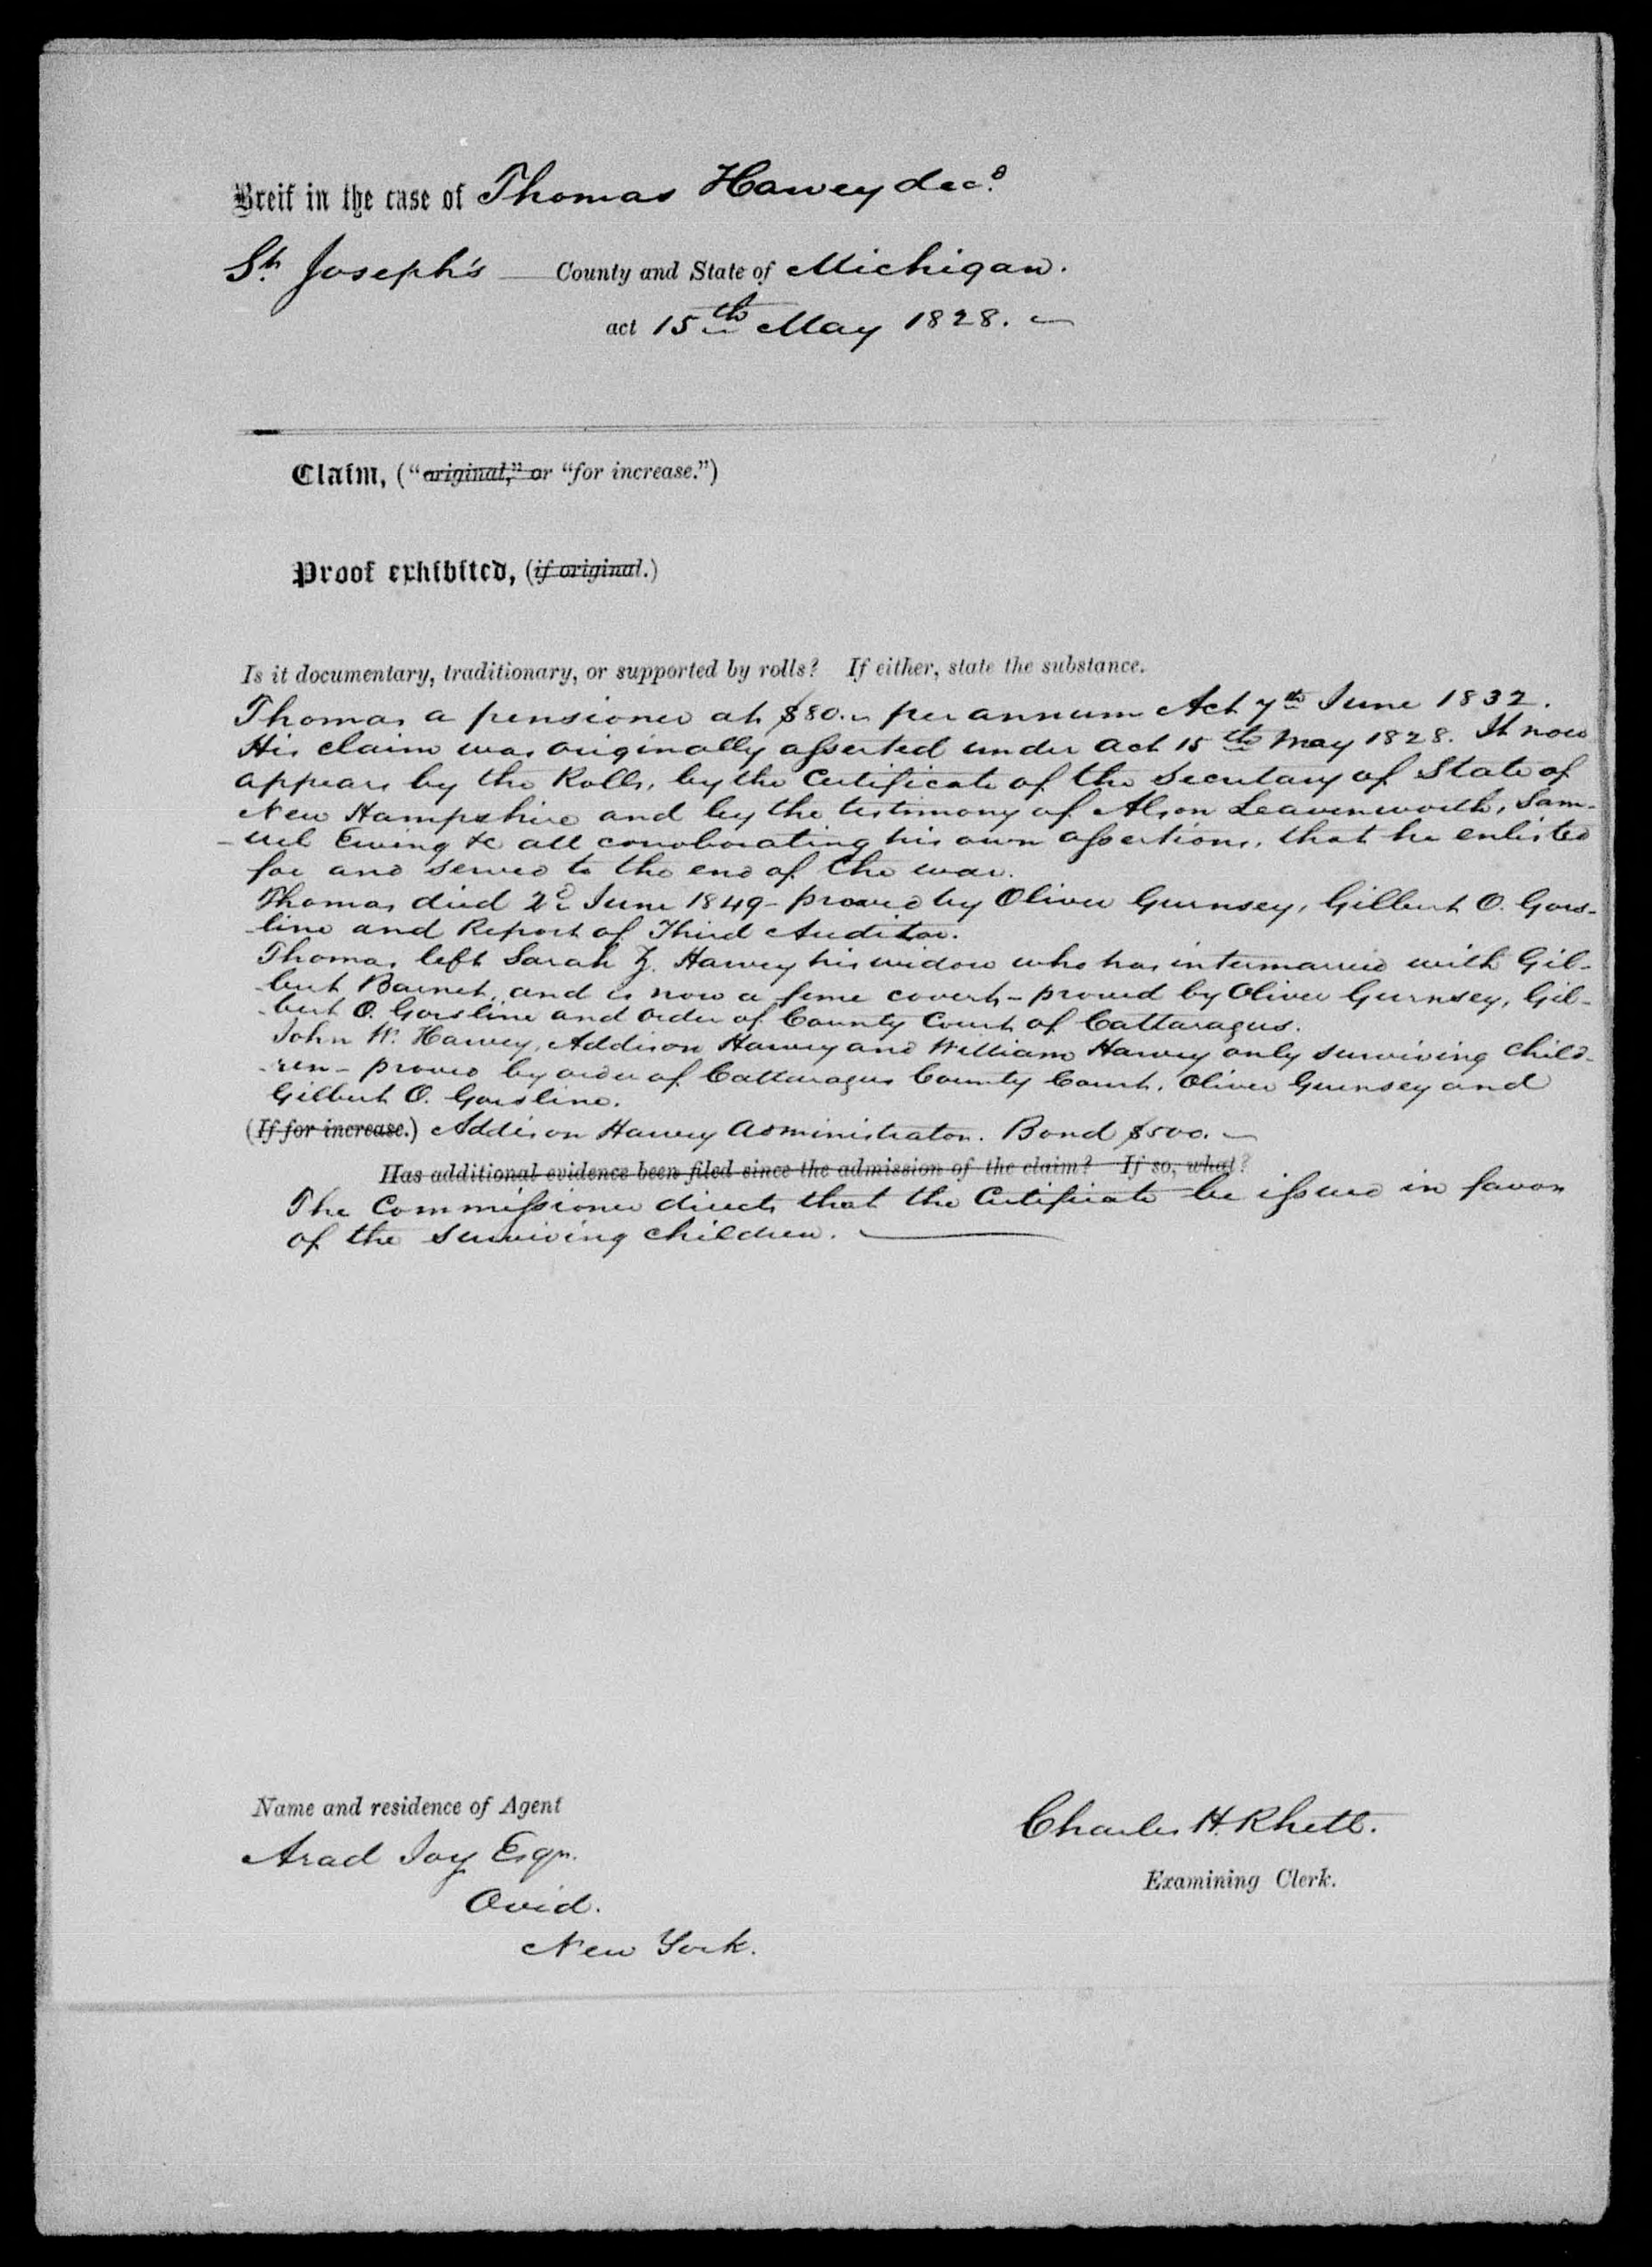Breif in the case of Thomas Harvey dec'd
St. Joseph's County and State of Michigan. 
act 15th May 1828. 
Claim, (['"original," or' crossed out] "for increase.") [blank]
Proof exhibited, ['(if original.)' crossed out] [blank]
Is it documentary, traditionary, or supported by rolls? If either, state the substance. 
Thomas a pensioner at $80. per annum Act 7th June 1832. 
His claim was originally asserted under Act 15th May 1828. It now appears by the Rolls, by the Certificate of the Secretary of State of New Hampshire and by the testimony of Alson Leavenworth, Samuel Ewing &c. all corroborating his own assertion, that he enlisted for and served to the end of the war.
Thomas died 2d June 1849 - proved by Oliver Gurnsey, Gilbert O. Gorsline and Report of Third Auditor.
Thomas left Sarah Z. Harvey his widow who has intermarried with Gilbert Barnet, and is now a feme covert - proved by Oliver Gurnsey, Gilbert O. Gorsline and Order of County Court of Cattaraugus. 
John W. Harvey, Addison Harvey and William Harvey only surviving children - proved by order of Cattaraugus County Court, Oliver Gurnsey and Gilbert O. Gorsline.
['(If for increase.)' crossed out] Addison Harvey Administrator. Bond $500. - 
['Has the additional evidence been filed since the admission of the claim? If so, what?' crossed out]
The Commission directs that the Certificate by issued in favor of the surviving children. 
/s/Charles H. Rhett.
Examining Clerk. 
Name and residence of Agent
Arad Joy Esqr.
Ovid, New York.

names: John W Harvey, Addison Harvey, Gilbert O Gorsline, Gilbert O Gorsline, Sarah Z Harvey, William Harvey, Thomas, Gilbert Barnet, Oliver Gurnsey, Addison Harvey, Oliver Gurnsey, Thomas, Oliver Gurnsey, Samuel Ewing, Alson Leavenworth, Thomas, Charles H Rhett, Gilbert O Gorsline, Thomas Harvey, Arad Joy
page: 39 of 80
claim: survivor's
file: S. 18008, Thomas Harvey, N.H.